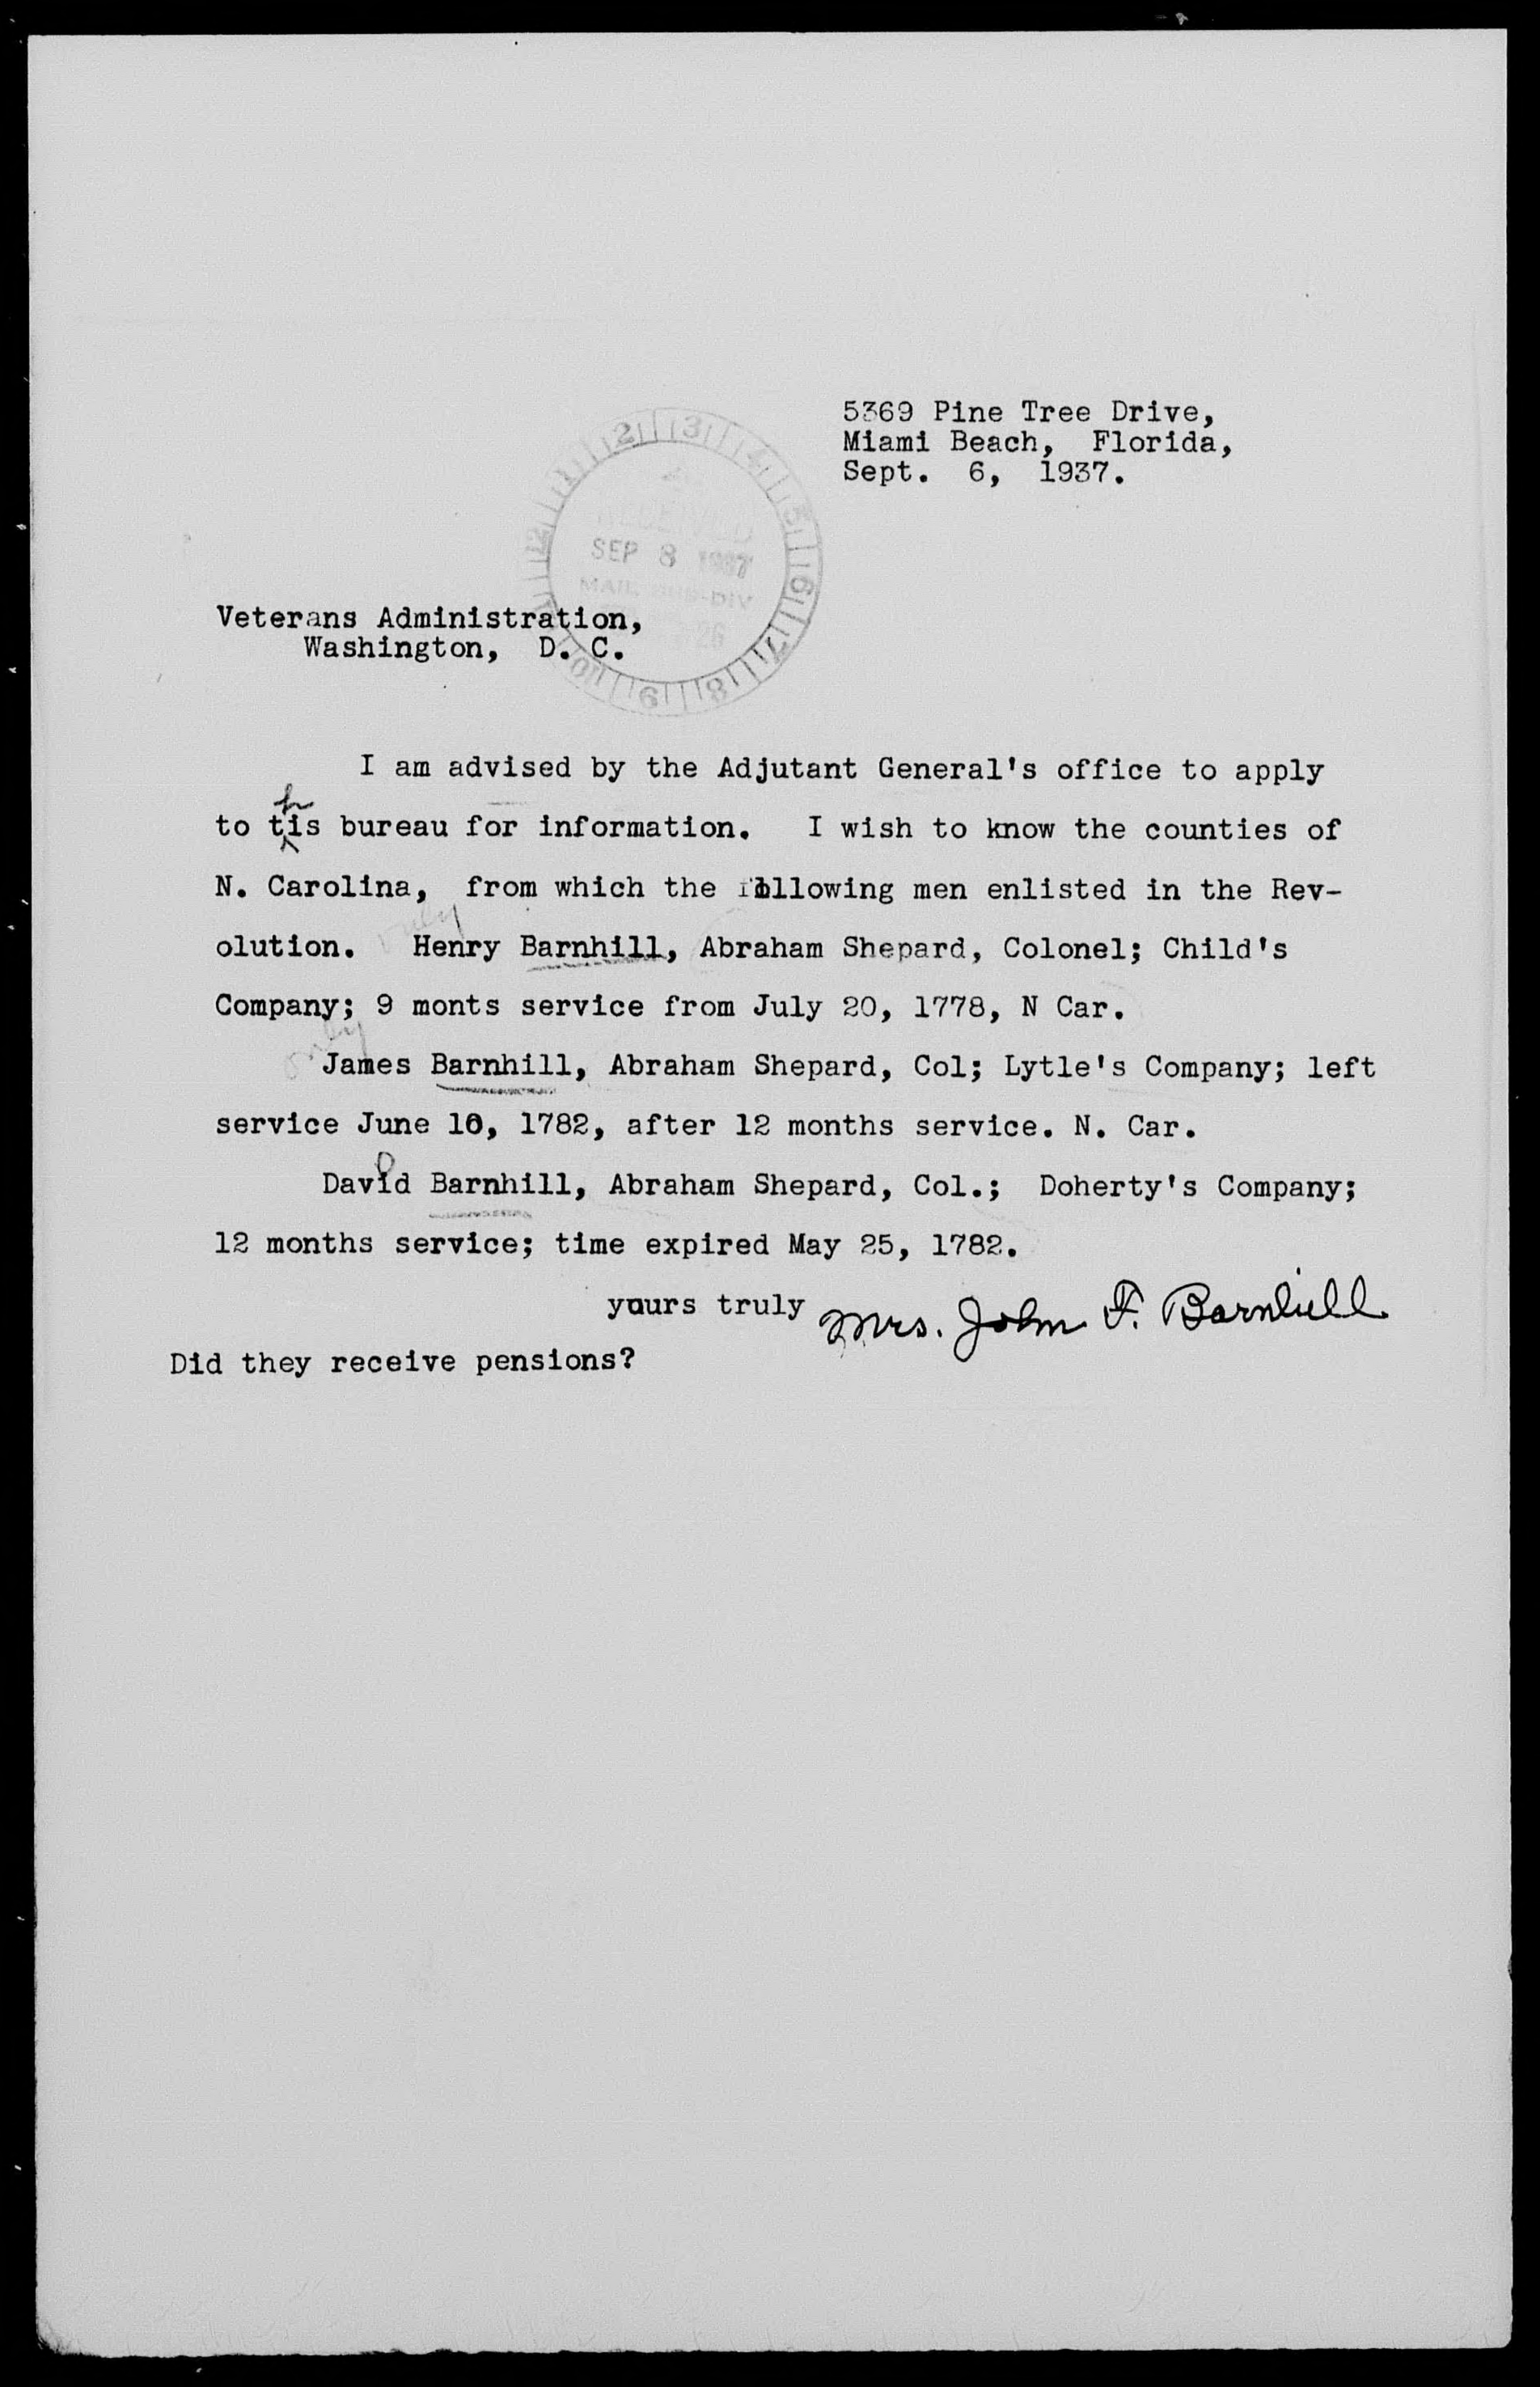[round stamp: arrow pointing at 3:00
RECEIVED 
SEP 8 1937
MAIL SUB-DIV
[illegible] 26]

5369 Pine Tree Drive,
Miami Beach, Florida,
Sept. 6, 1937.

Veterans Administration, 
Washington, D. C.

I am advised by the Adjutant General's office to apply to this bureau for information. I wish to know the counties of N. Carolina, from which the following men enlisted in the Revolution. [note above: only] Henry Barnhill, Abraham Shepard, Colonel; Child's Company; 9 monts [sic] service from July 20, 1778, N Car.

[note above: only] James Barnhill, Abraham Shepard, Col; Lytle's Company; left service June 10, 1782, after 12 months service. N. Car.

David Barnhill, Abraham Shepard, Col; Doherty's Company; 12 months service; time expired May 25, 1782.

your truly
S/Mrs. John F. Barnhill
Did they receive pensions?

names: Abraham Shepard, John F Barnhill, James Barnhill, Abraham Shepard, David Barnhill, Henry Barnhill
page: 41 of 42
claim: survivor's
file: S. 6579, Henry Barnhill, N. C.